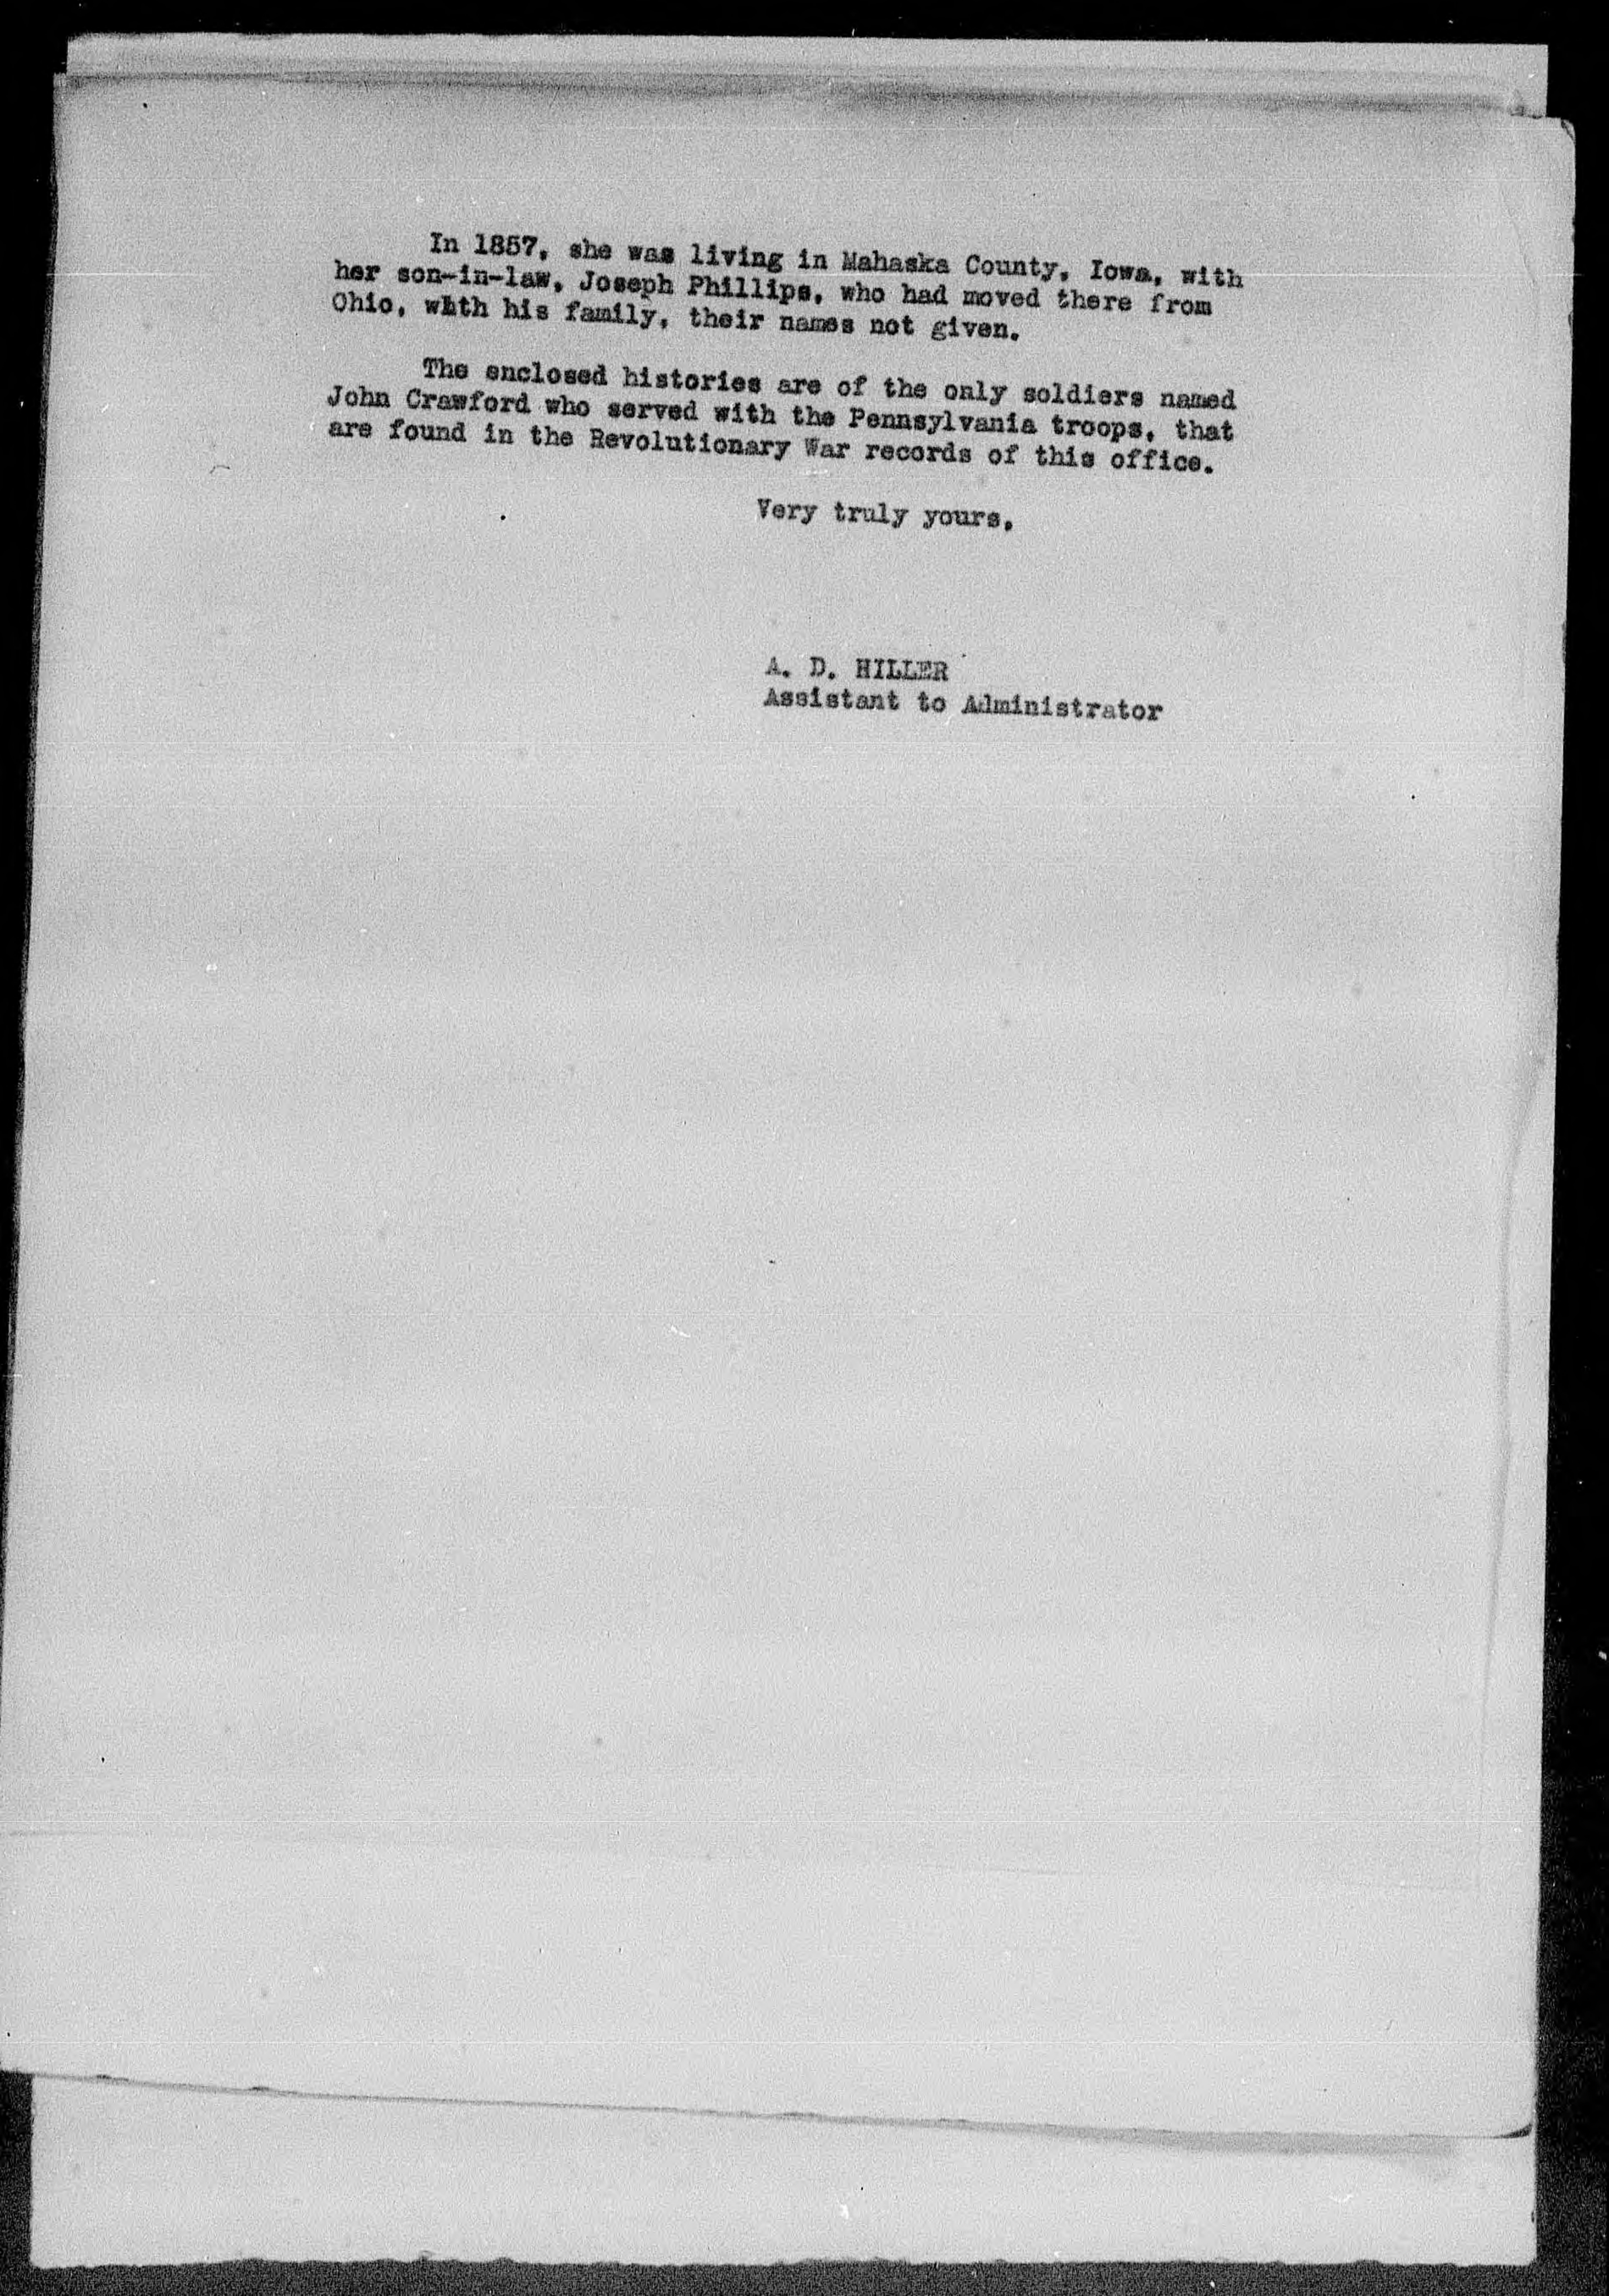In 1857, she was living in Mahaska County, Iowa, with her son-in-law, Joseph Phillips, who had moved there from Ohio, with his family, their names not given.
The enclosed histories are of the only soldiers named John Crawford who served with the Pennsylvania troops, that are found in the Revolutionary War records of this office.
Very truly yours,
A.D. HILLER
Assistant to Administrator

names: Joseph Phillips, A D Hiller, John Crawford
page: 79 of 80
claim: widow's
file: W 2070, John Crawford, Penn.